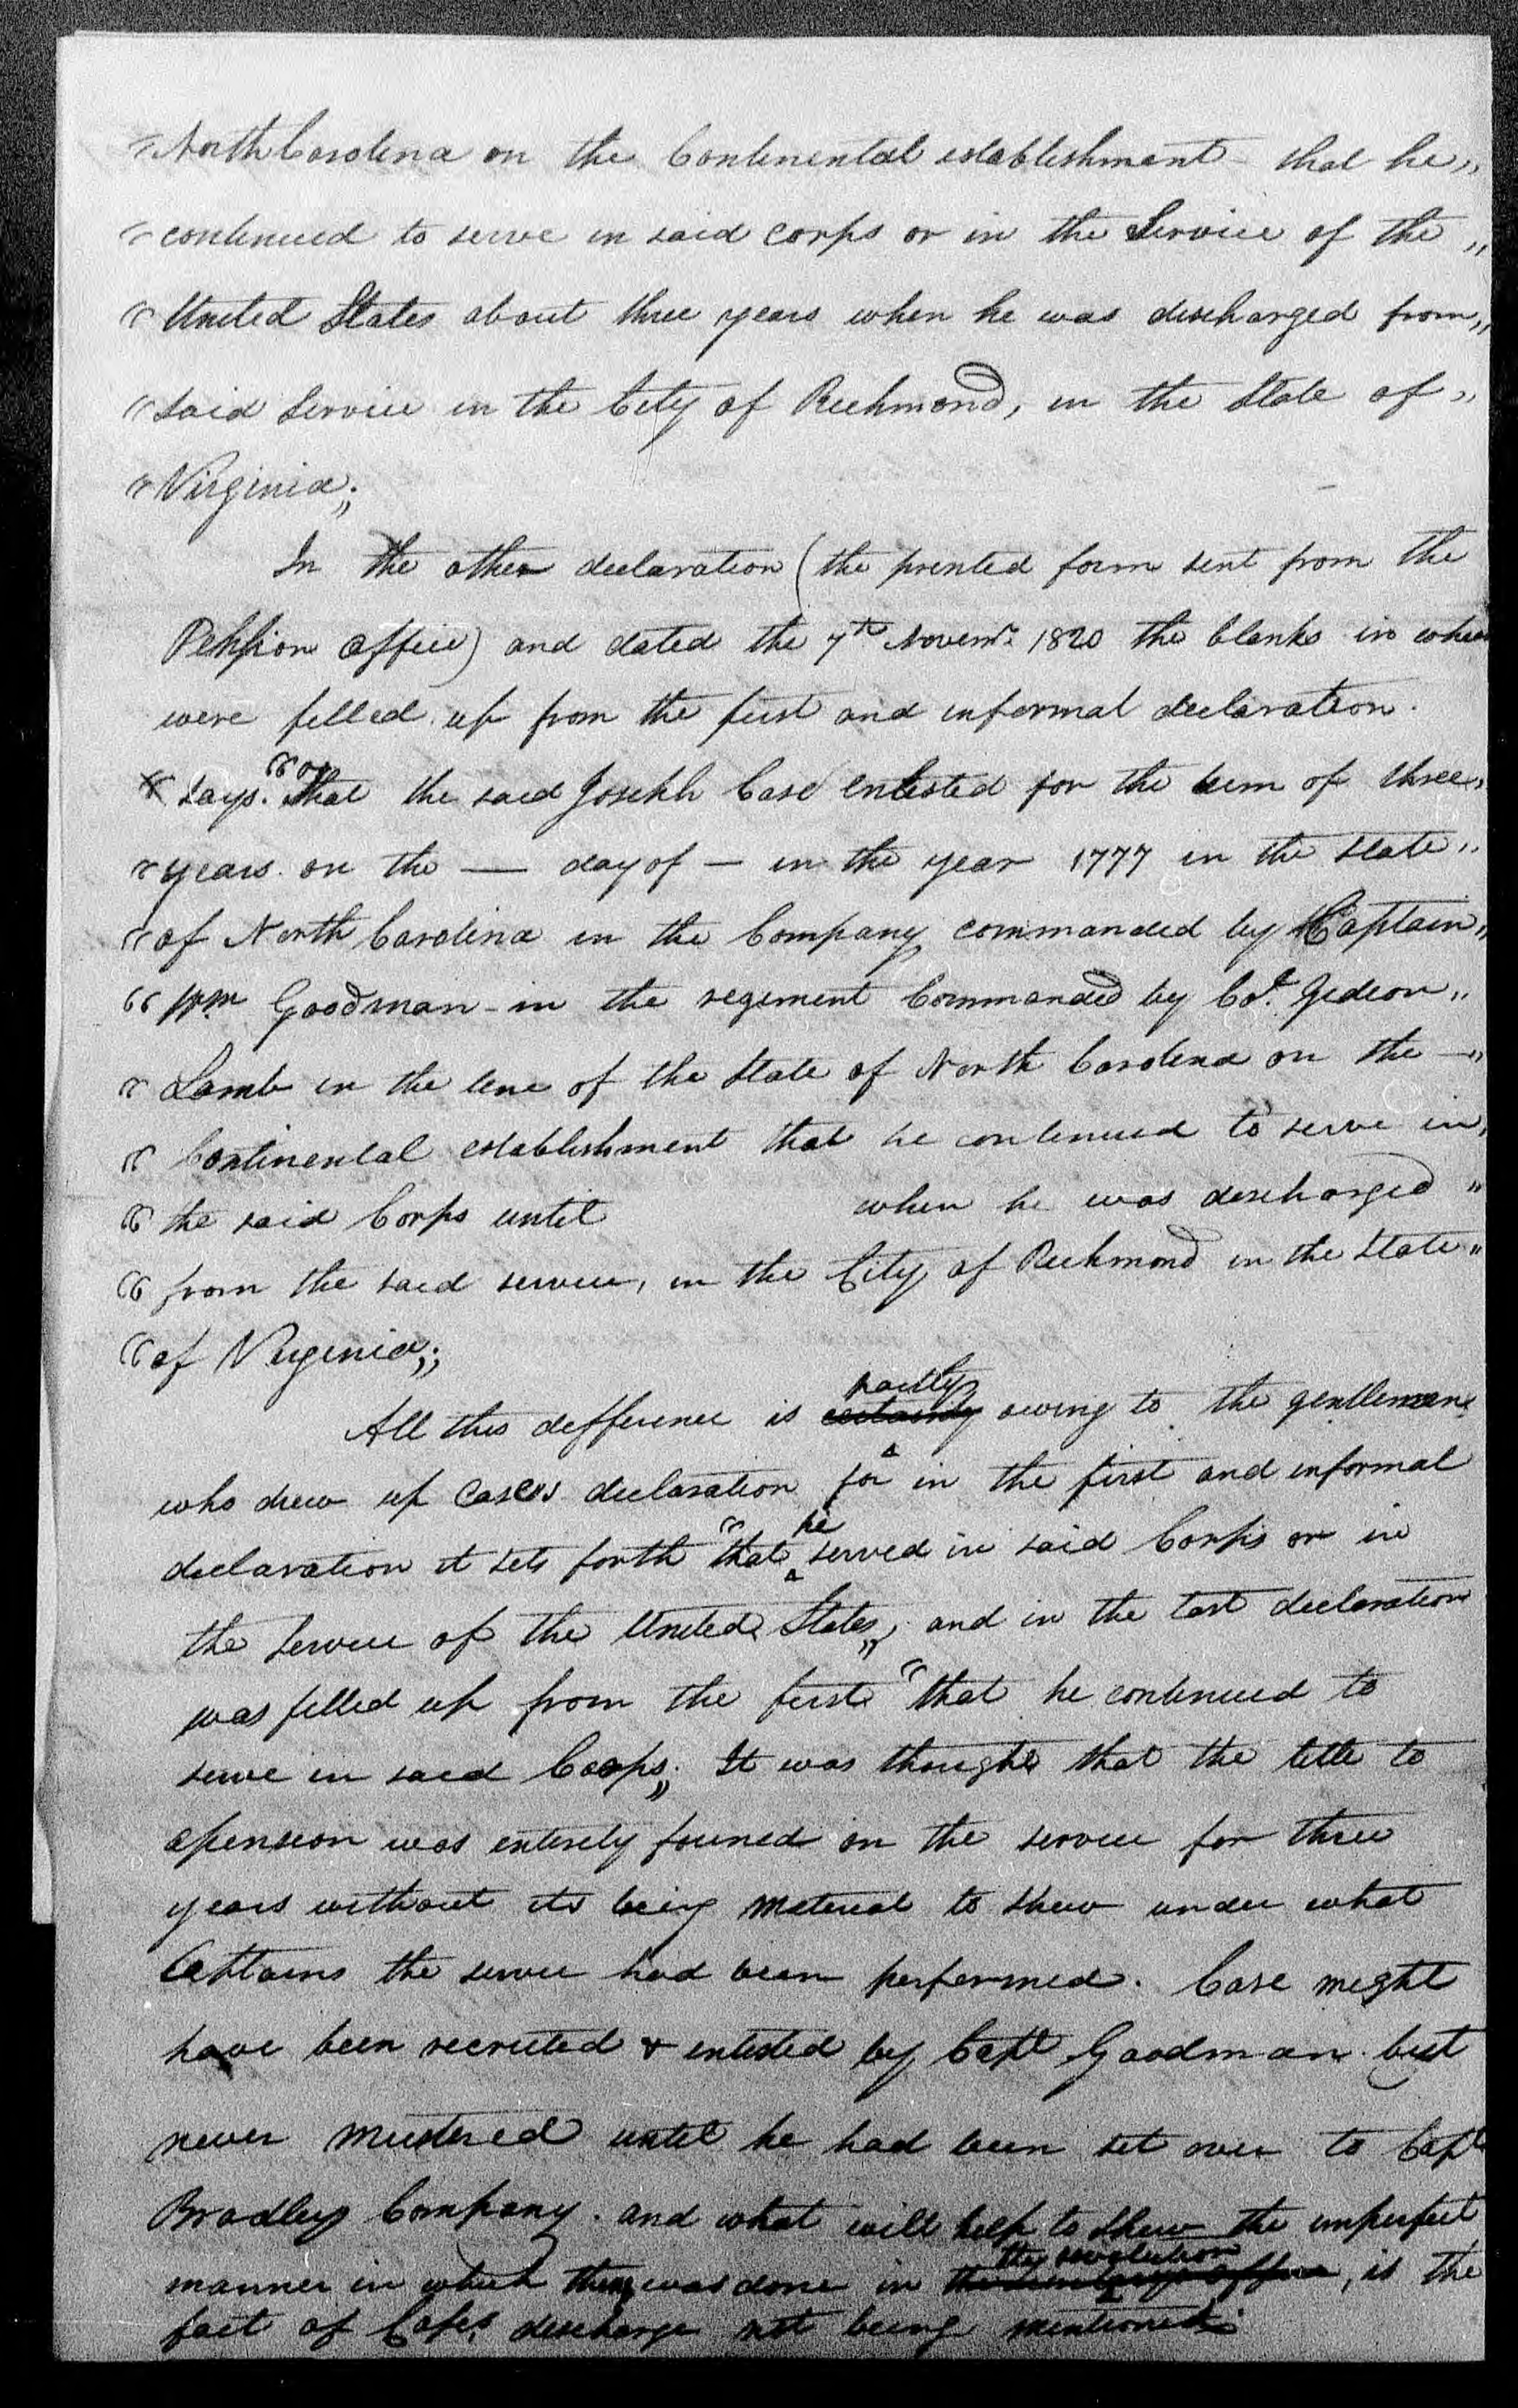North Carolina in the Continental establishment that he continued to serve in said corps or in the Service of the United States about these years when he was discharged from Said service in the City of Richmond, in the State of Virginia.

In the other declaration (the presented form sent from the Pension office) and dated the 9th November 1820 the blanks in which were filled in from the first and informal declaration.

Says: "The said Joseph Case enlisted for the term of three years on the ___ day of ___ in the year 1777 in the State of North Caroline in the Company commanded by Captain Wm. Goodman in the regiment Commanded by Col. Gideon Lamb in the lines of the State of North Caroline on the Continental establishment that he continued to serve in the said Corps until ____ when he was discharged from said service, in the City of Richmond in the State of Virginia." [quotation marks at the start and end of each line]

All this difference is mostly owing to the gentleman who drew up Case's declaration for in the first and informal declaration he set forth "that he served in said Corps on in the Service of the United States" and in the test declaration was filled up from the first "that he continued to serve in said Corps" it was though that the title to expression was entirely formed on the service for three years without it being material to show under what Captains the service had been performed.  Case might have been recruited and enlisted by Capt. Goodman but never mustered until he had been sent over to Capt.  Bradly Company and what will help to show the imperfect manner in which this was done in that evaluation, is the fact of Case's discharge not being mentioned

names: Goodman, Gideon Lamb, Wm Goodman, Case, Joseph Case, Case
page: 14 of 20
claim: survivor's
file: S. 41472, Joseph Case, N.C.